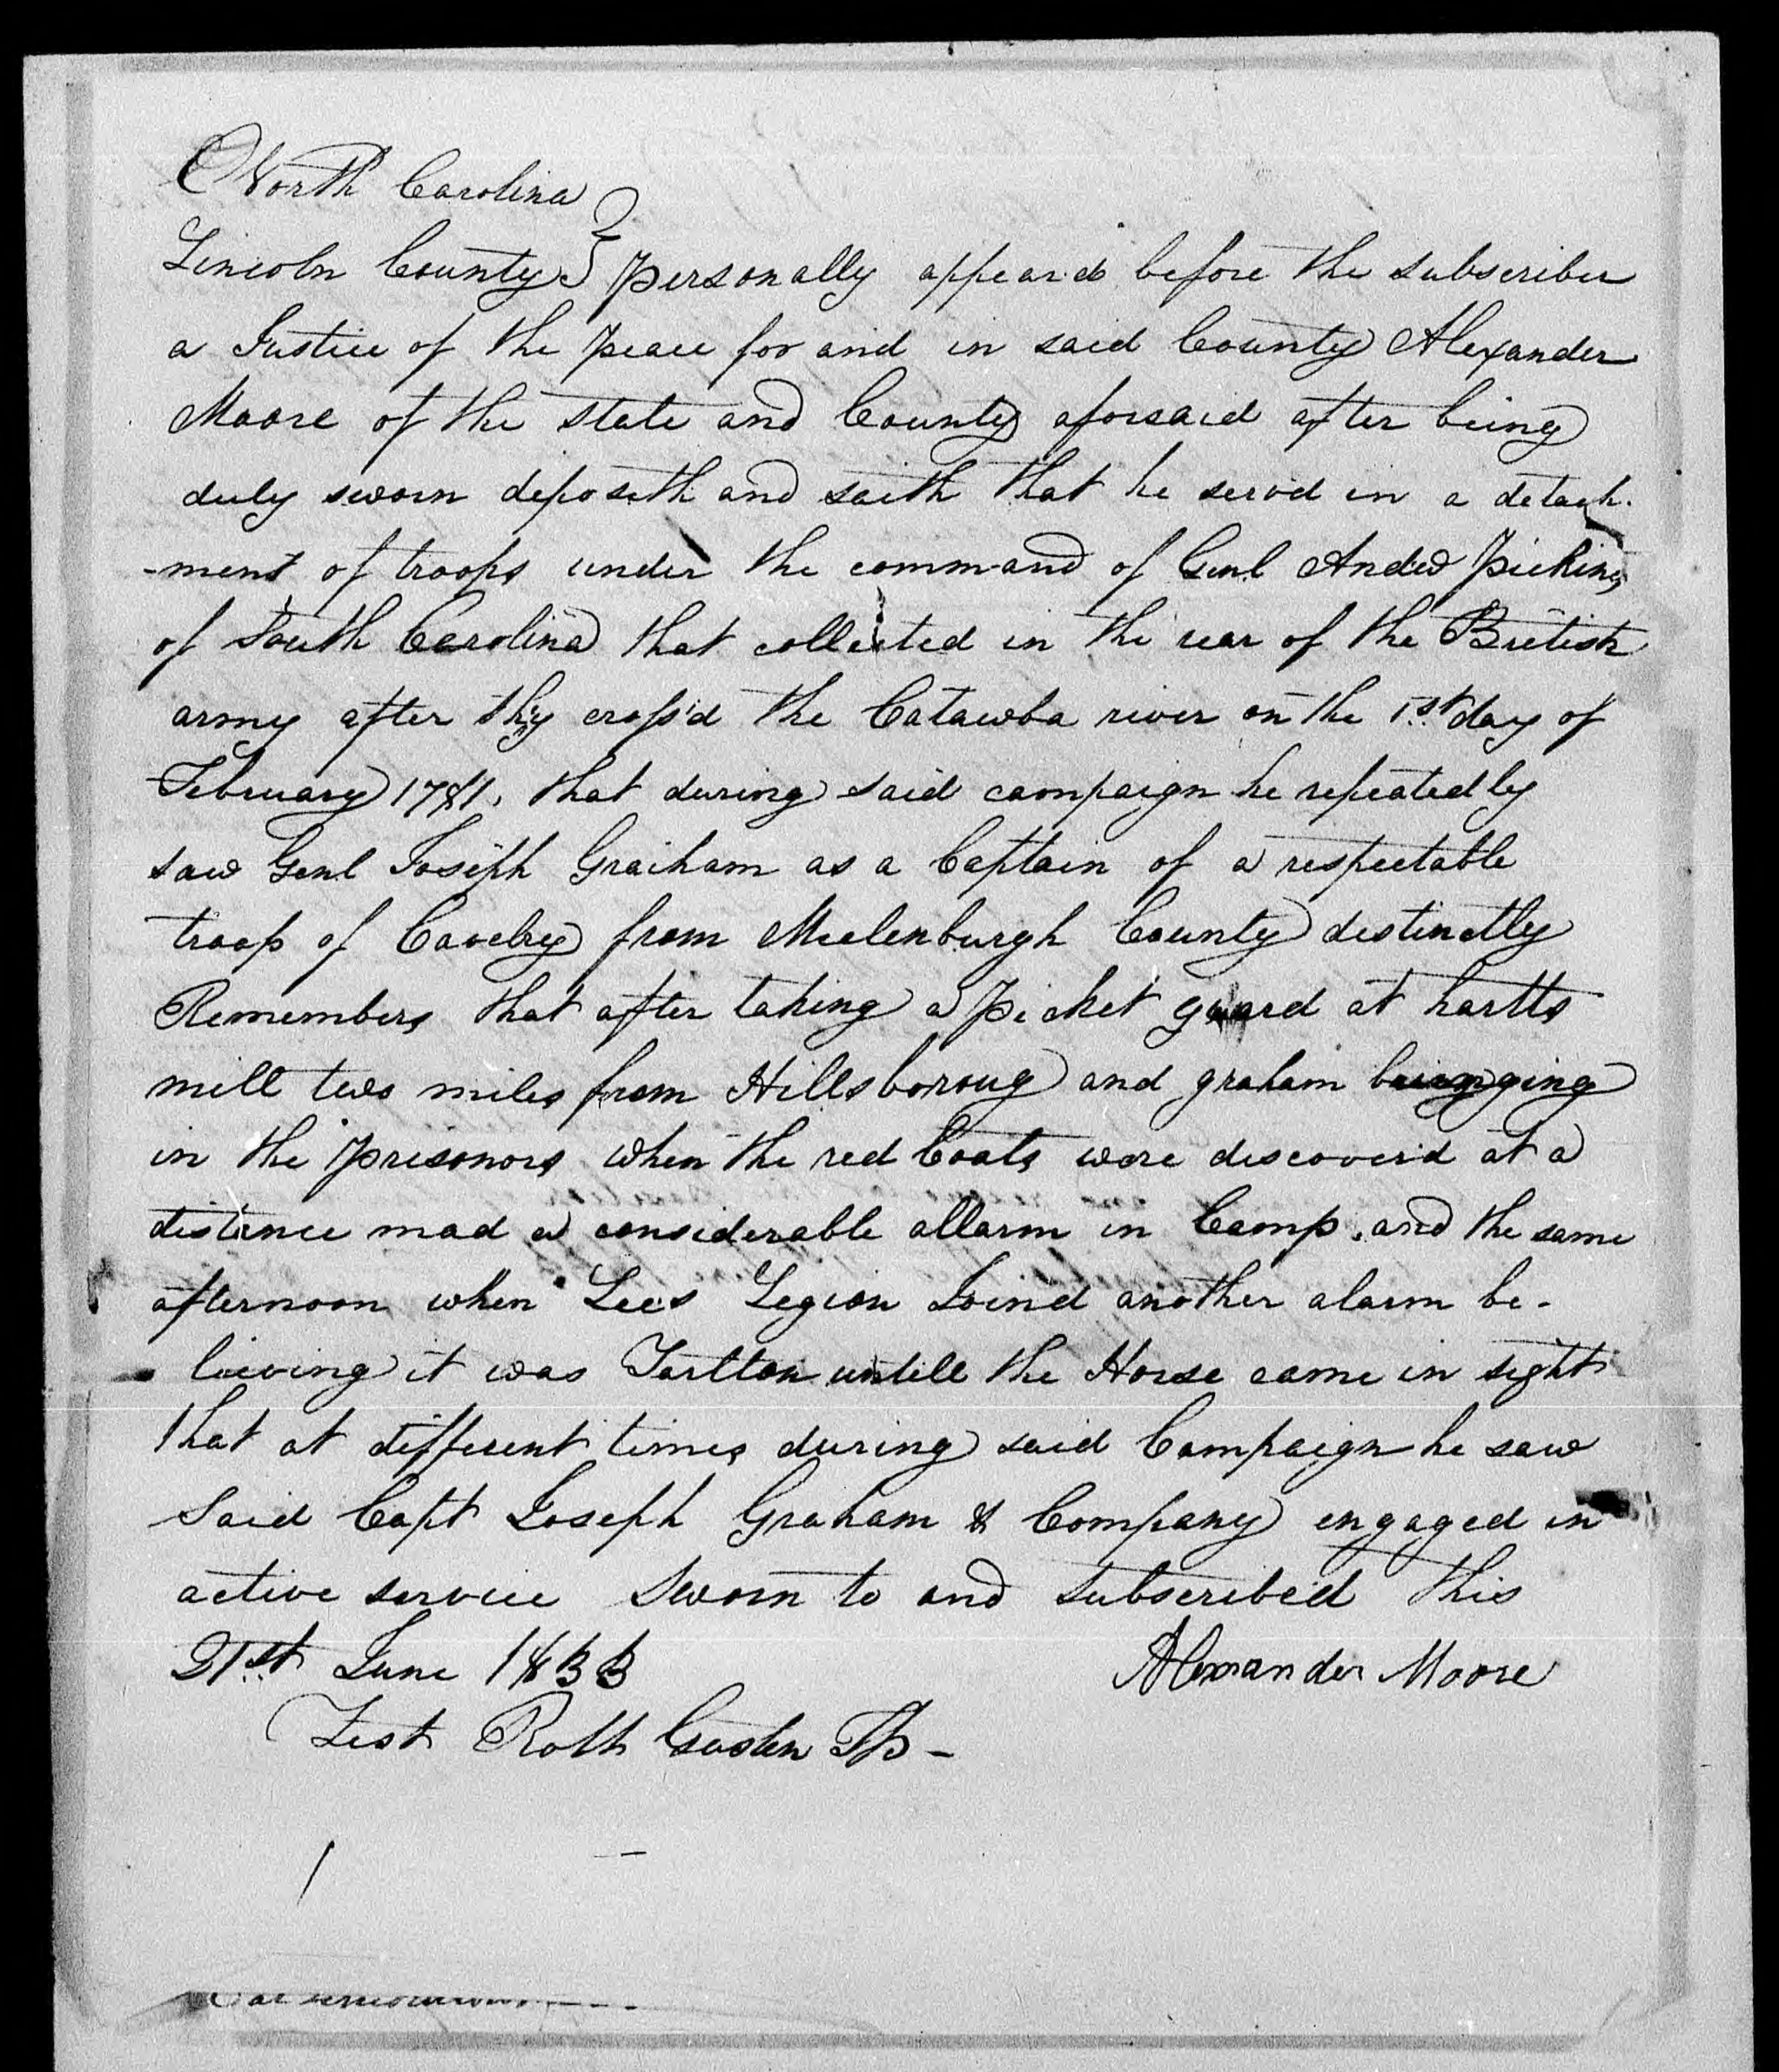North Carolina}
Lincoln County} Personally appeared before the subscriber a Justice of the peace for and in said County Alexander Moore of the state and County aforesaid after being duly sworn deposeth and saith that he served in a detachment of troops under the command of Gen'l Arnold Pickins of South Carolina that collected in the war of the British army after they crossed the Catawba river on the 1st day of February 1781, that during said campaign he repeatedly saw Gen'l Joseph Graham as a Captain of a respectable troop of Cavalry from Mecklenburgh County distinctly remembers that after taking a picket yard at Hart's Mill two miles from Hillsboroug and Graham bringing in the prisoners when the red coats were discovered at a distance made considerable alarm in Camp and the same afternoon when Lee's Legion sound another alarm believing it was Tarlton until the Horse came in sight that at different times during said Campaign he saw said Capt. Joseph Graham & Company engaged in active service.
Alexander Moore
[Siganture]
Sworn to and subscribed this 21st June 1833
Test Robt. Gasten J. P.
[Signature]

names: Andw Picking, Robt Gasten, Lee, Joseph Graham, Joseph Graiham, Alexander Moore, Alexander Moore, Graham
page: 50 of 55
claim: survivor's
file: S. 6,937, Joseph Graham, N.C.